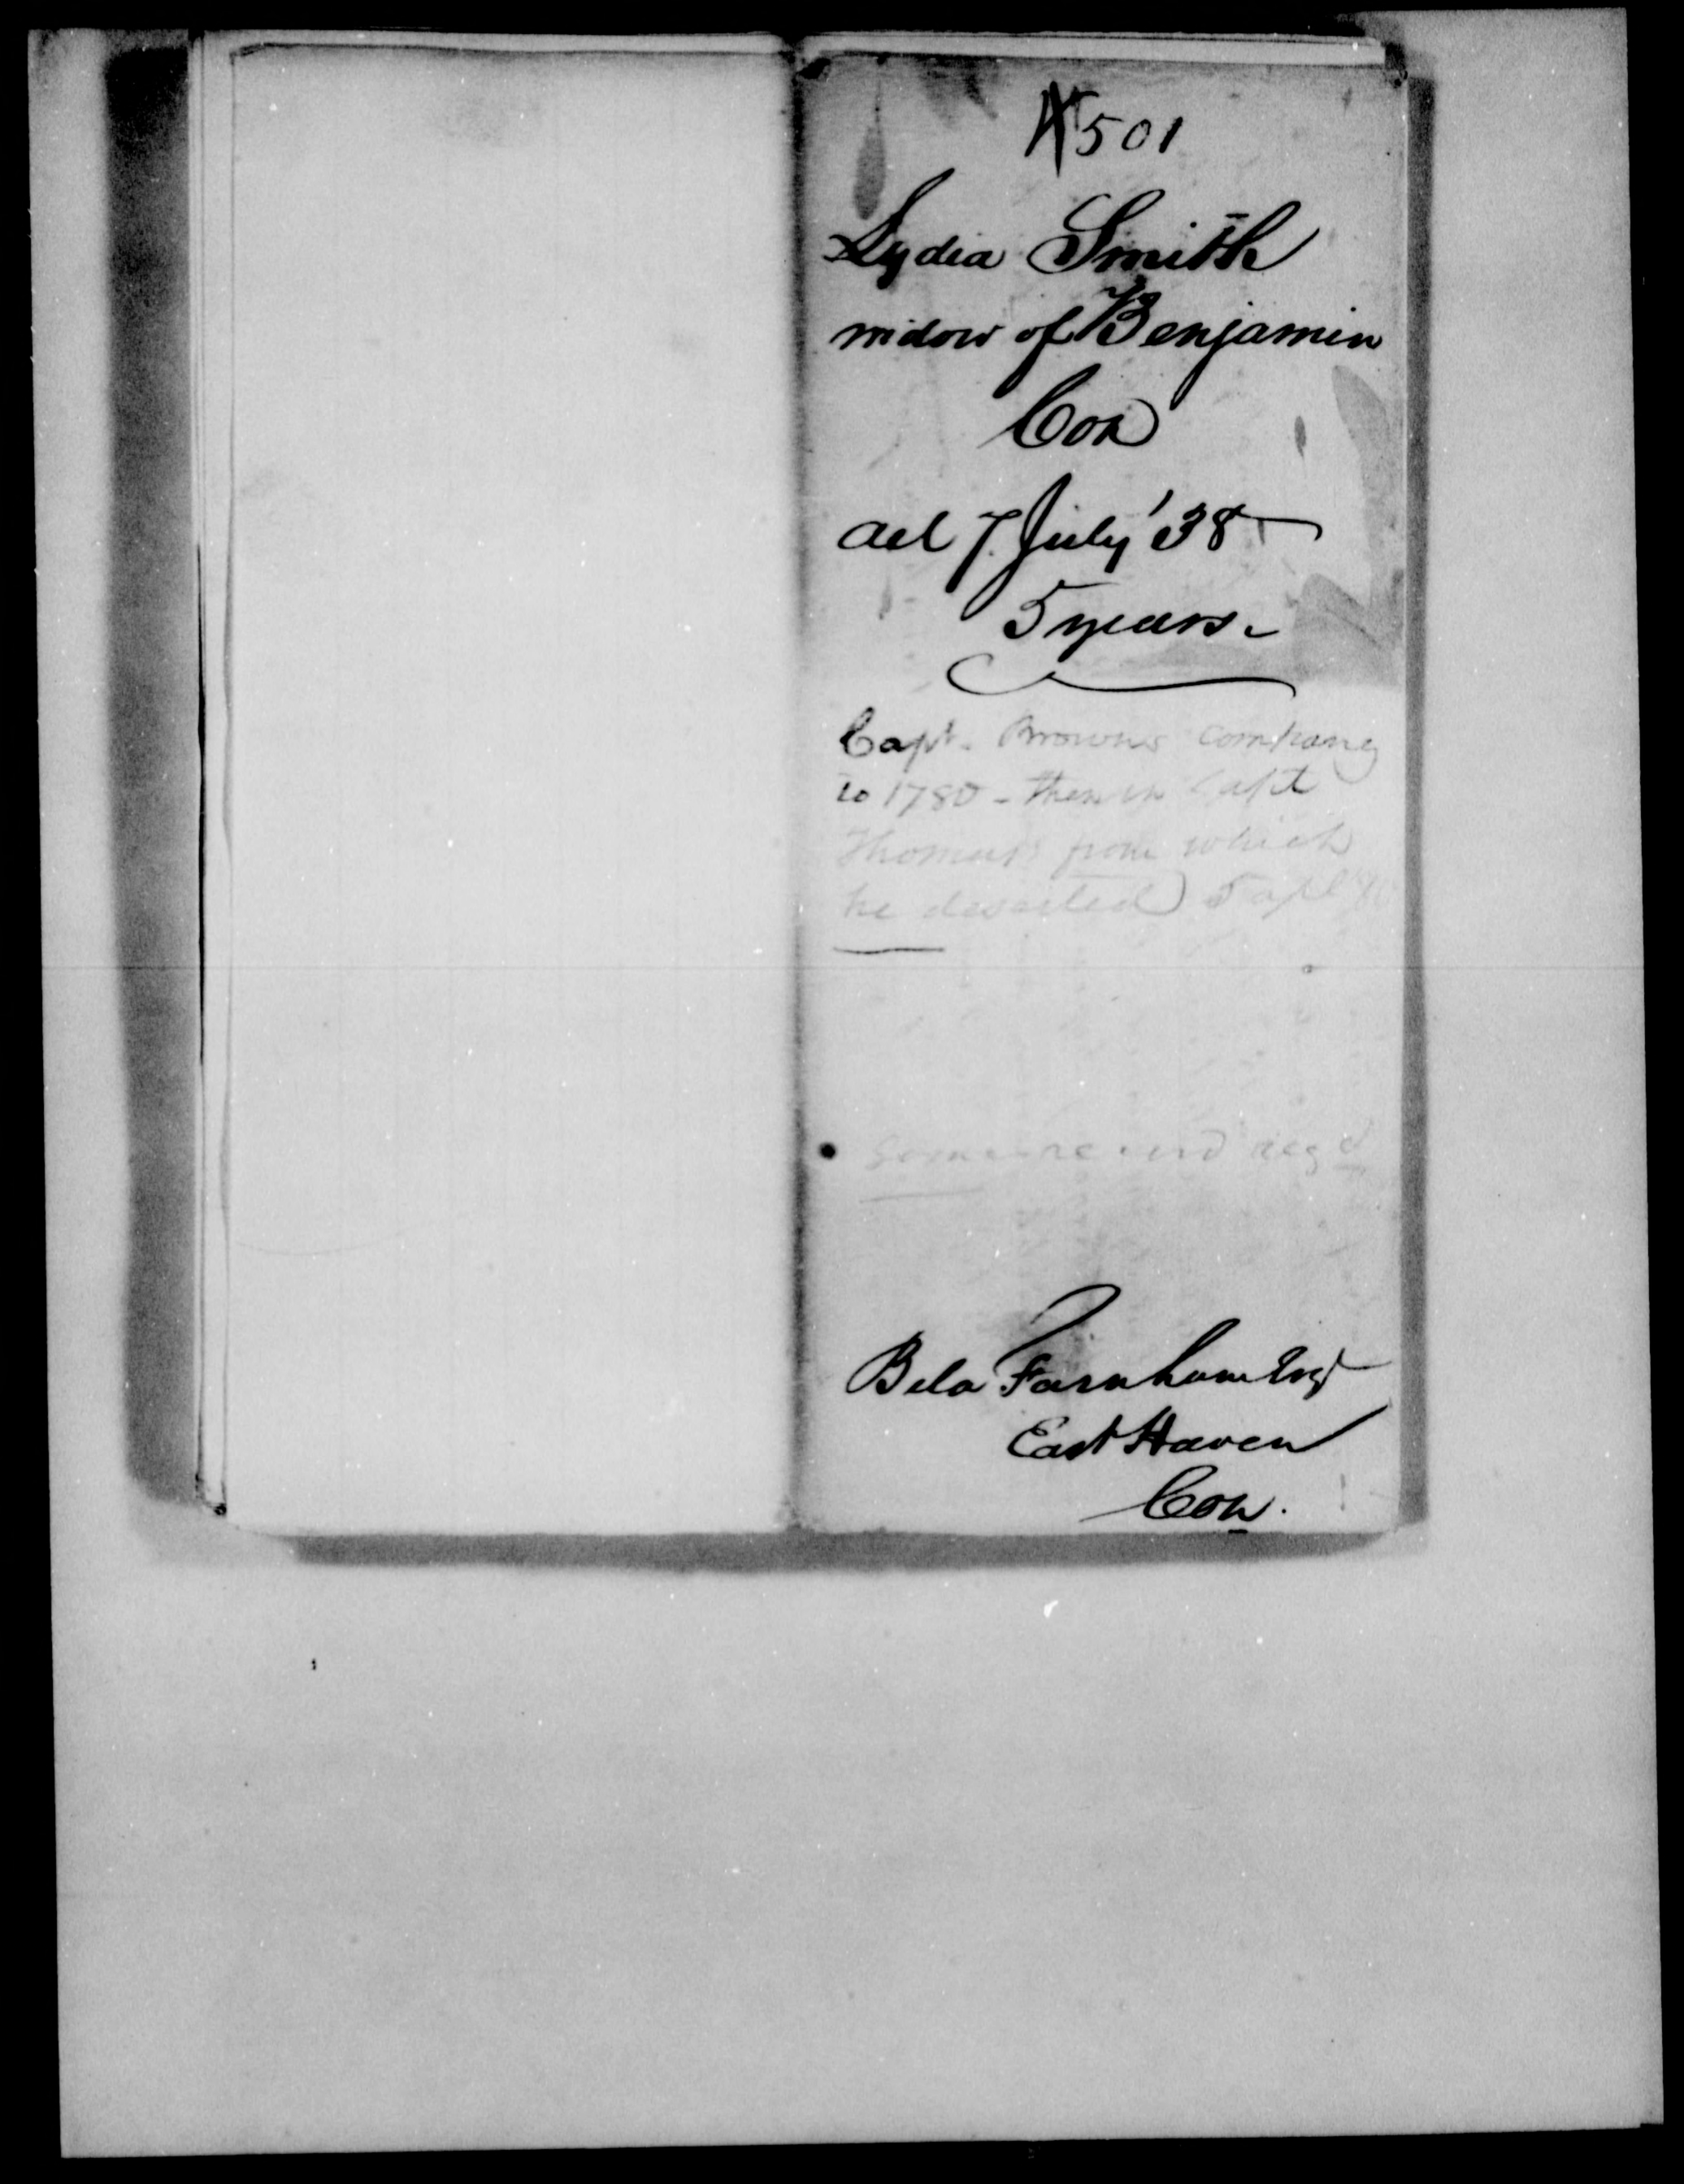501
Lydia Smith
widow of Benjamin
Con
act 7 July 38
5 years
Capt Browns Company
to 1780 - then in Capt
Thomas from which
the deserted 5 ap'l 80

[illegible] recvd reg'd

Bela Farnham Esq'r.
East Haven
Con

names: Bela Farnham; Lydia Smith; Benjamin Cox; Thomas Grove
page: 6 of 19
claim: rejected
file: R 9792, for Benjamin Smith, Connecticut